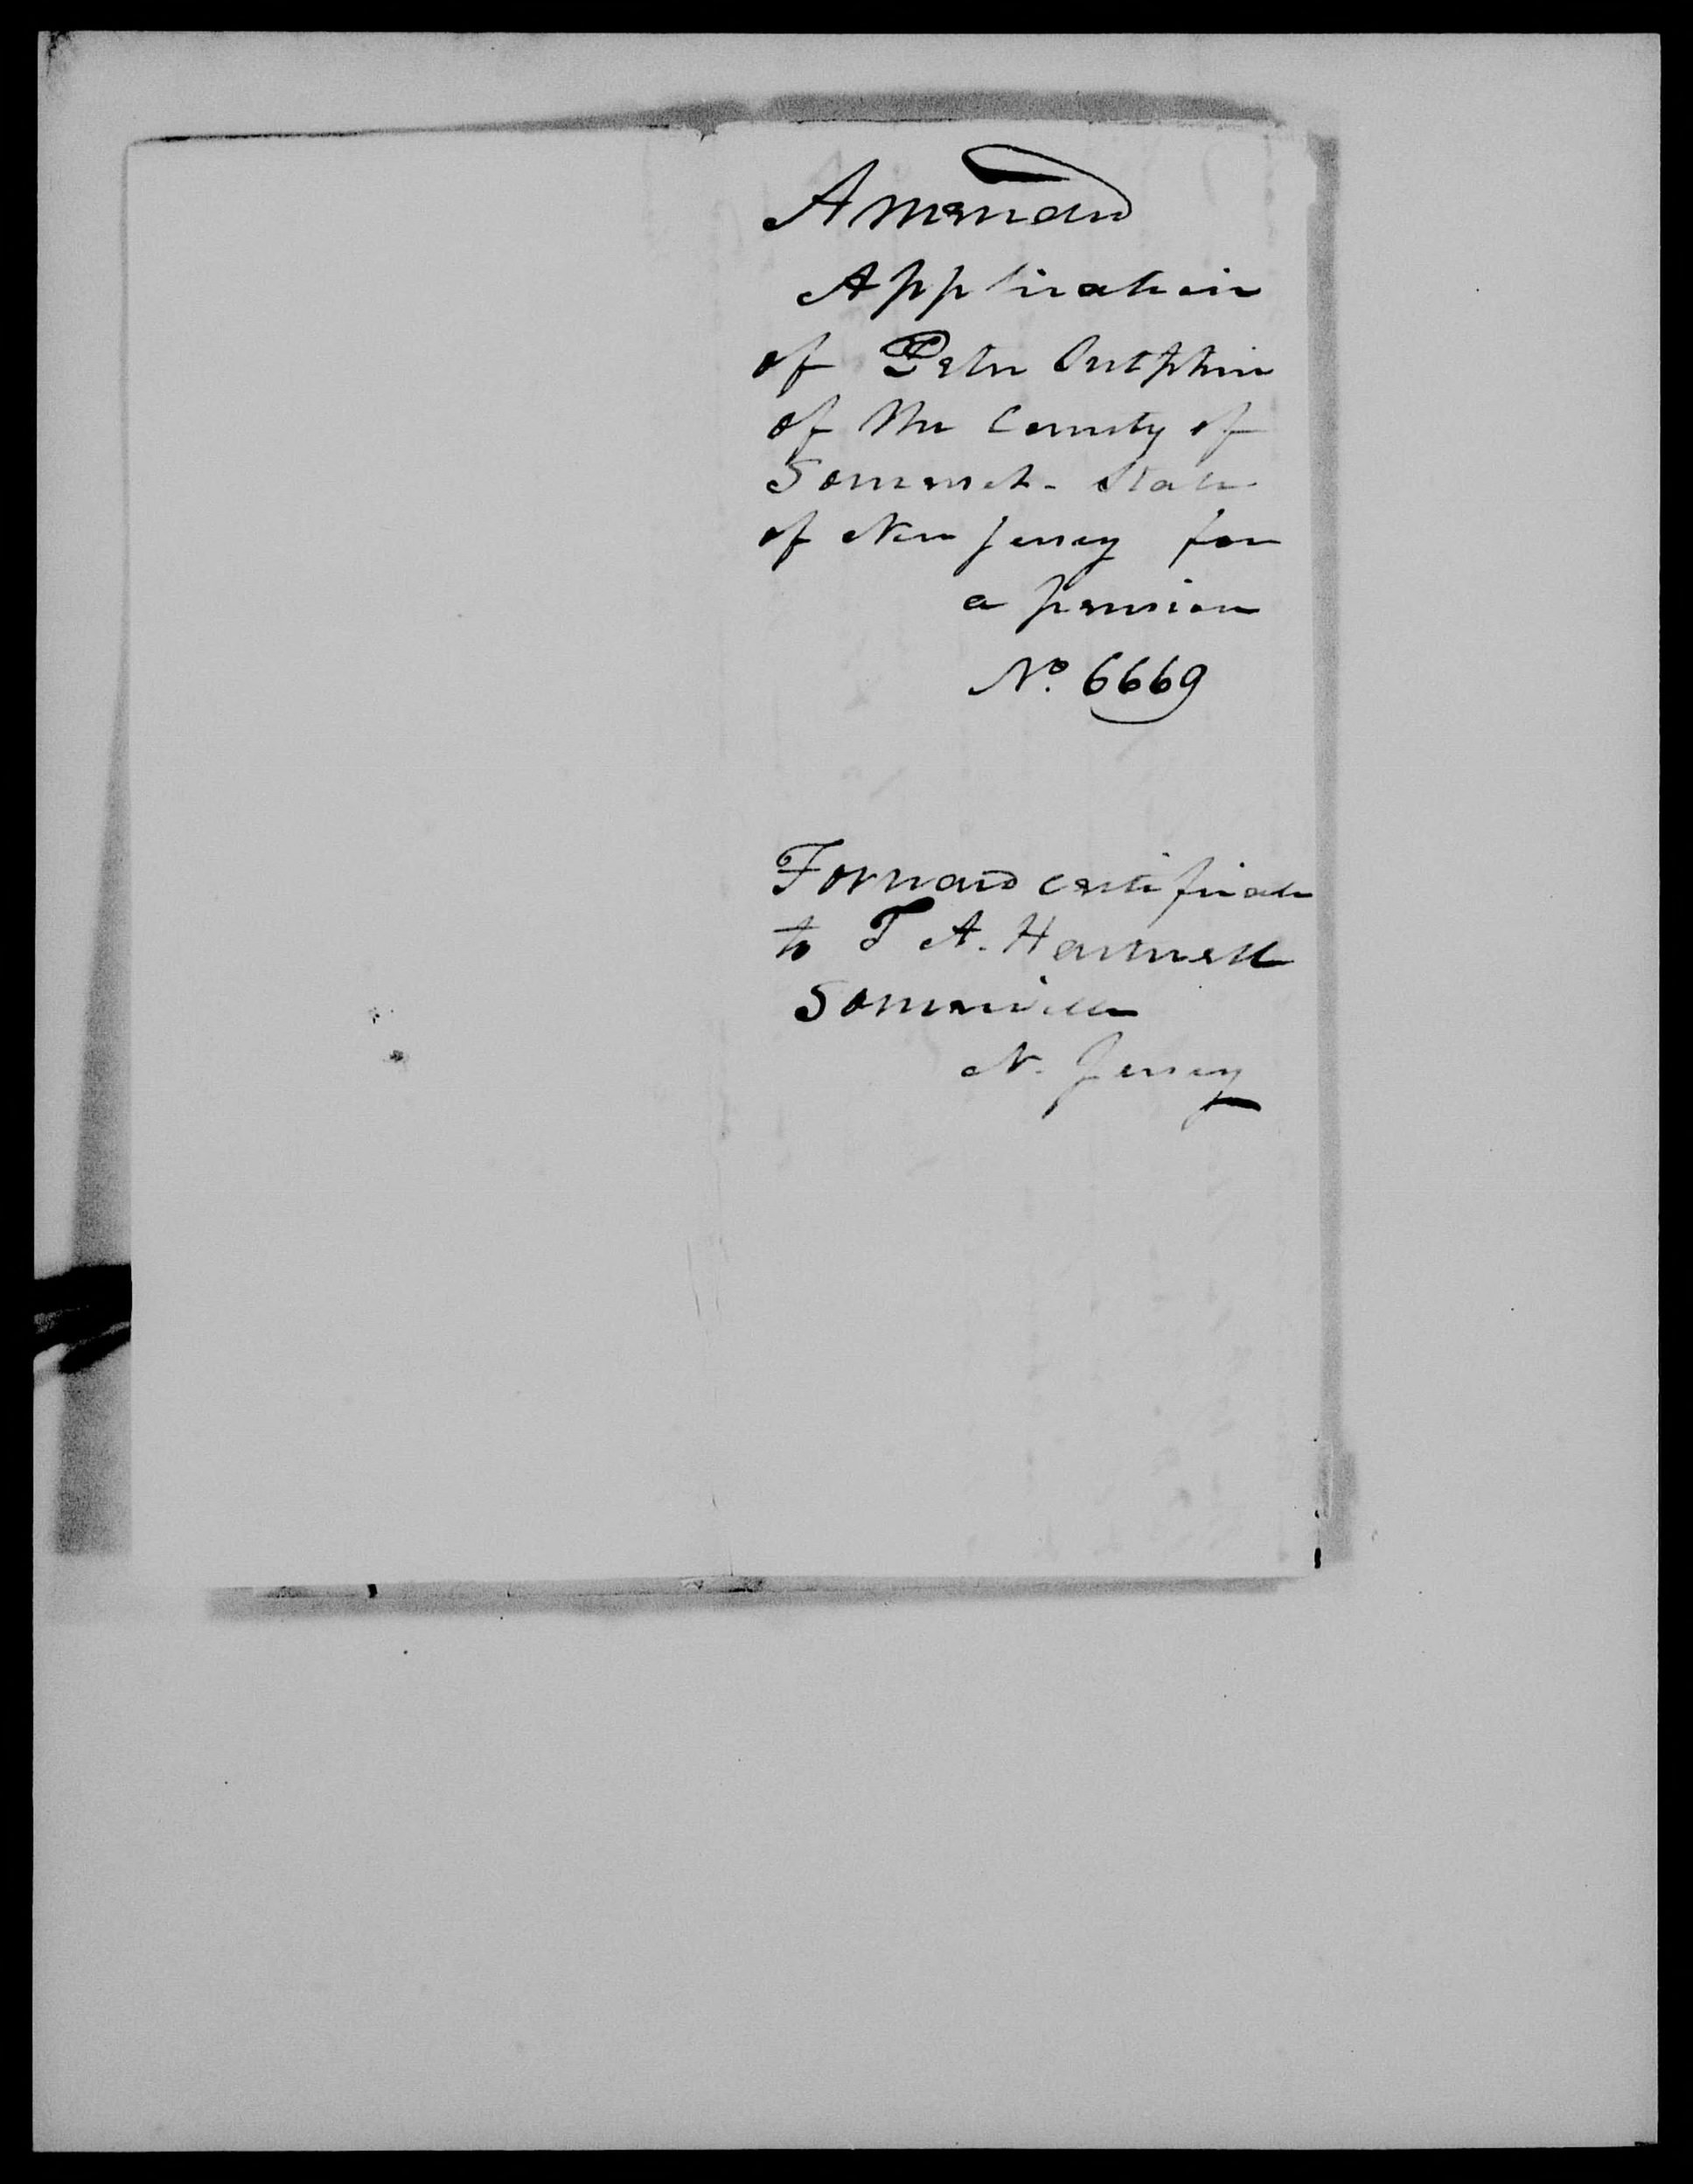Amended application of Peter Sutphin of the County of Somerset, State of New Jersey for a pension.

No 6669

Forward certificate to T.A. Hartnell
Somerset, N. Jersey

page: 13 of 14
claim: survivor's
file: S. 1119, for Peter Sutphen, New Jersey